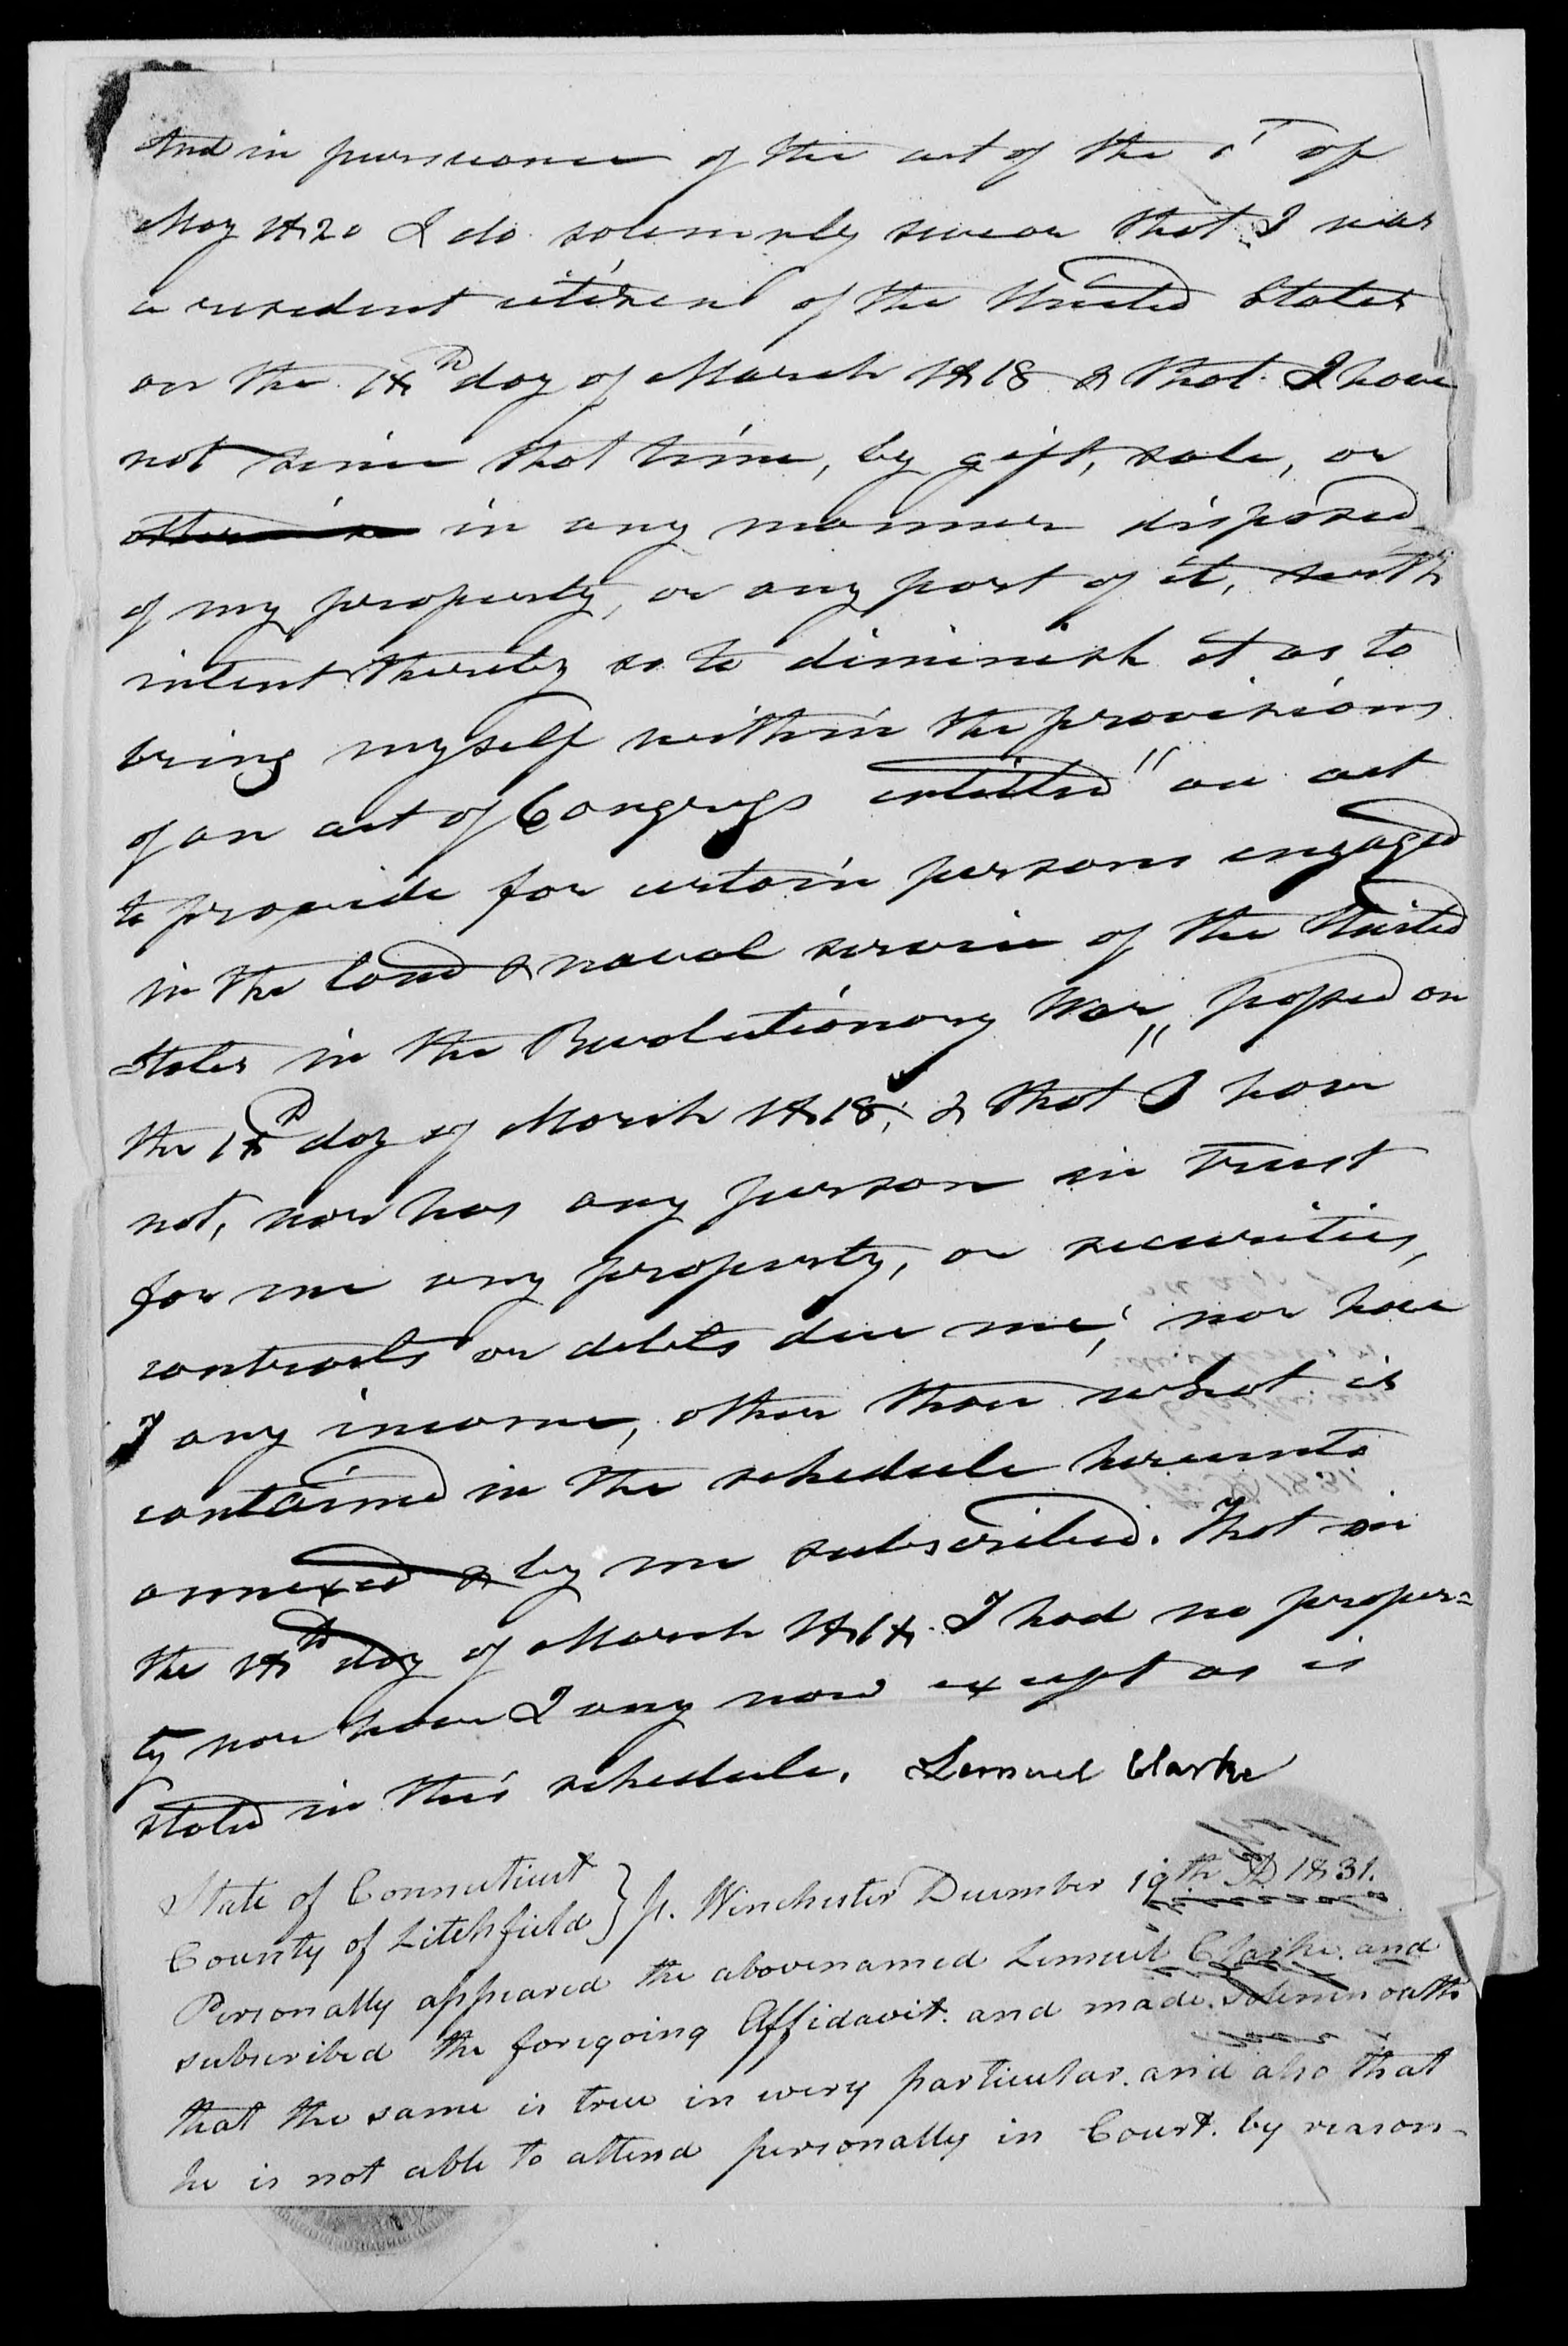And in pursuance of the act of the of May 1820 I do solemnly swear that I was a resident citizen of the United States on the 18th day of March 1818 & that I have not are that time, by gift, sale, or in any manner disposed of my property, or any part of it, with intent thereby so to diminish it as to being myself within the provisions of an act of Congress entitled an act to provide for certain persons engaged in the land & naval service of the United States in the Revolutionary War passed on the 11 day of March 1818, & that I have not, nor has any person in trust for me any property, or securities contracts or debts due me nor have I any income, other than what is contained in the schedule hereunto annexed & by me subscribed. That on the 19th day of March 1834 I had no property nor have I any now except as is stated in this schedule, 
Lemuel Clarke 

State of Connecticut County of Litchfield SS
Winchester December 19th AD 1831. 
Personally appeared the above named Lemuel Clarke and subscribed the foregoing affidavit and made on oath that the same is true in every particular and also that is not able to attend personally in Court by reason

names: Lemuel Clarke, Lemuel Clarke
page: 43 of 48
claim: survivor's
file: S. 17343, Lemuel Clarke, Mass.